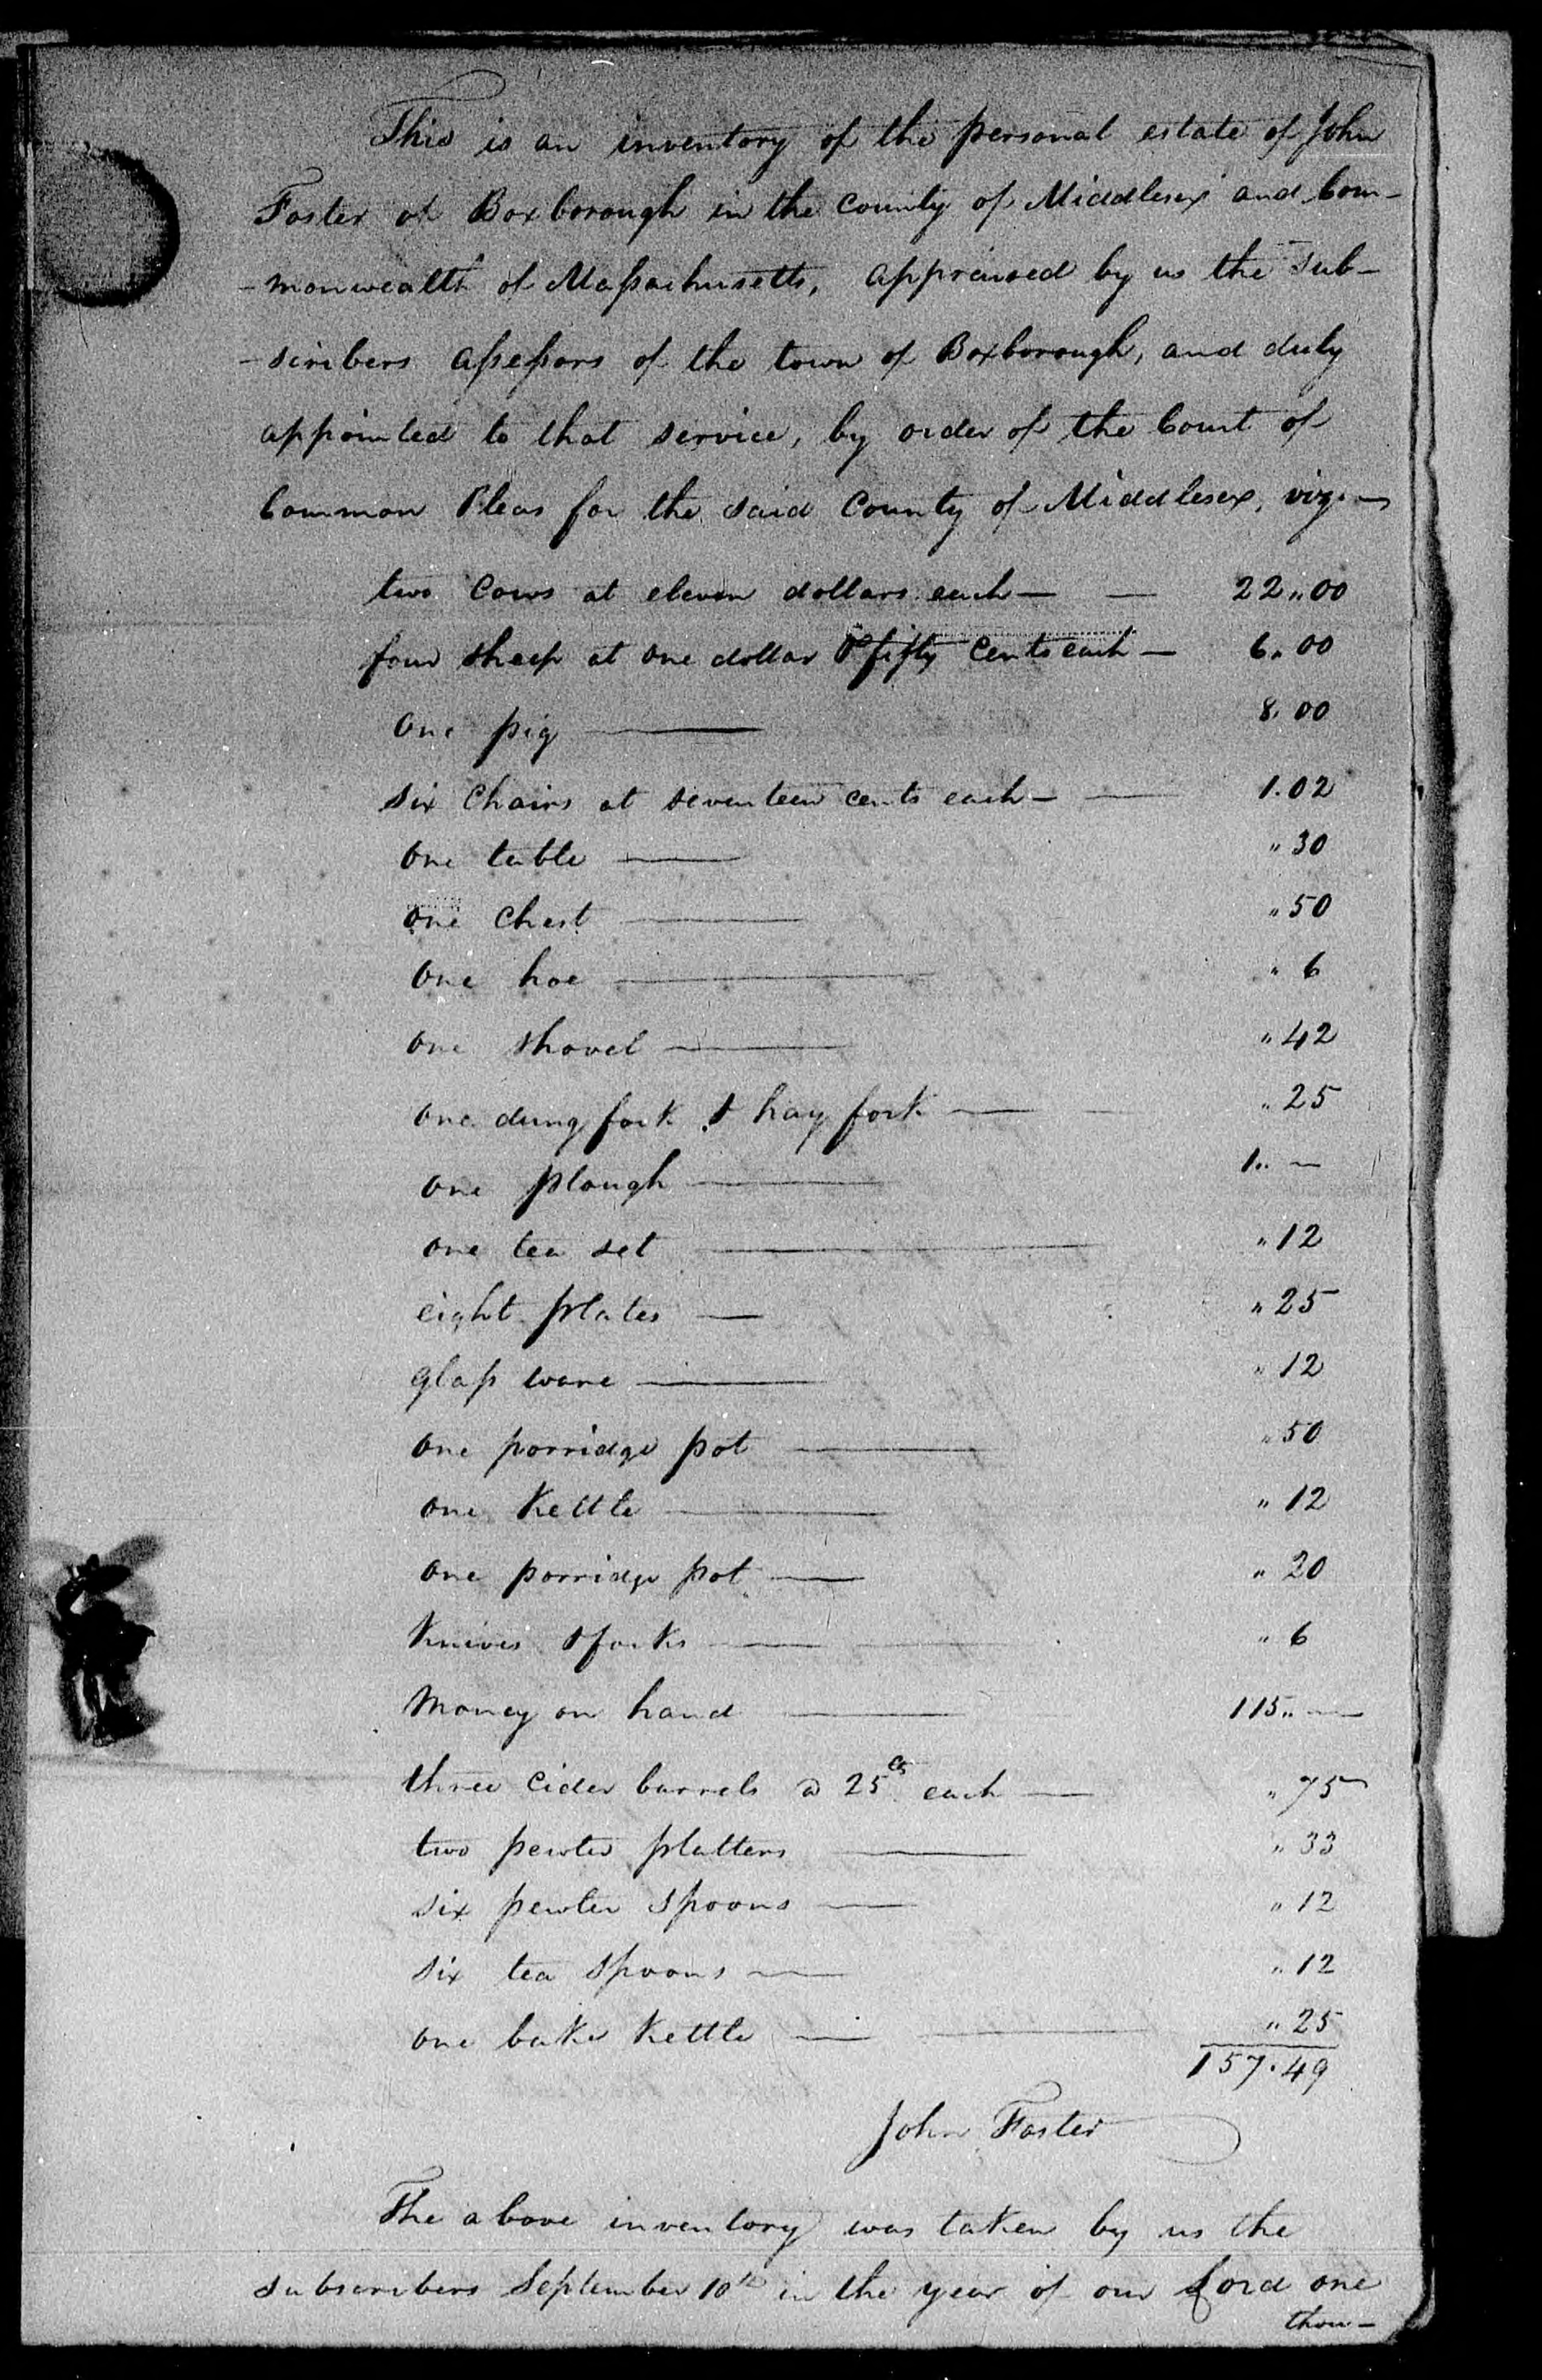This is an inventory of the personal estate of John Foster of Boxborough in the county of Middlesex and Commonwealth of Massachusetts, appraised by us in the subscribers assessors of the town of Boxborough and duly appointed to that service by order of the court of common pleas for the said county of Middlesex, viz: 
2 cows $11 each 22.00
4 sheep $1.50 each 6.00
1 pig 8.99
6 chairs at .17 each 1.02
1 table .30
1 chest .50
1 hoe .06
1 shovel .42
o1dung fork and hay fork .25
1 plough 1.00
1 tea set .12
8 plates.25
glassware.12
1 porridge pot .50
1 kettle .12
1 porridge pot .20
knives and forks .06
money on hand 115.
3 cider barrels .25 each.75
2 pewter platters .33
6 pewter spoons .12
6 tea spoons .12
1 bake kettle .25
---
$157.49
John Foster
The above inventory was taken by us the subscribers Sep 10 th in the year of our Lord One ---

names: John Foster, John Foster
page: 27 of 47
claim: widow's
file: W. 7,302, John Foster, Continental Mass. R.I.